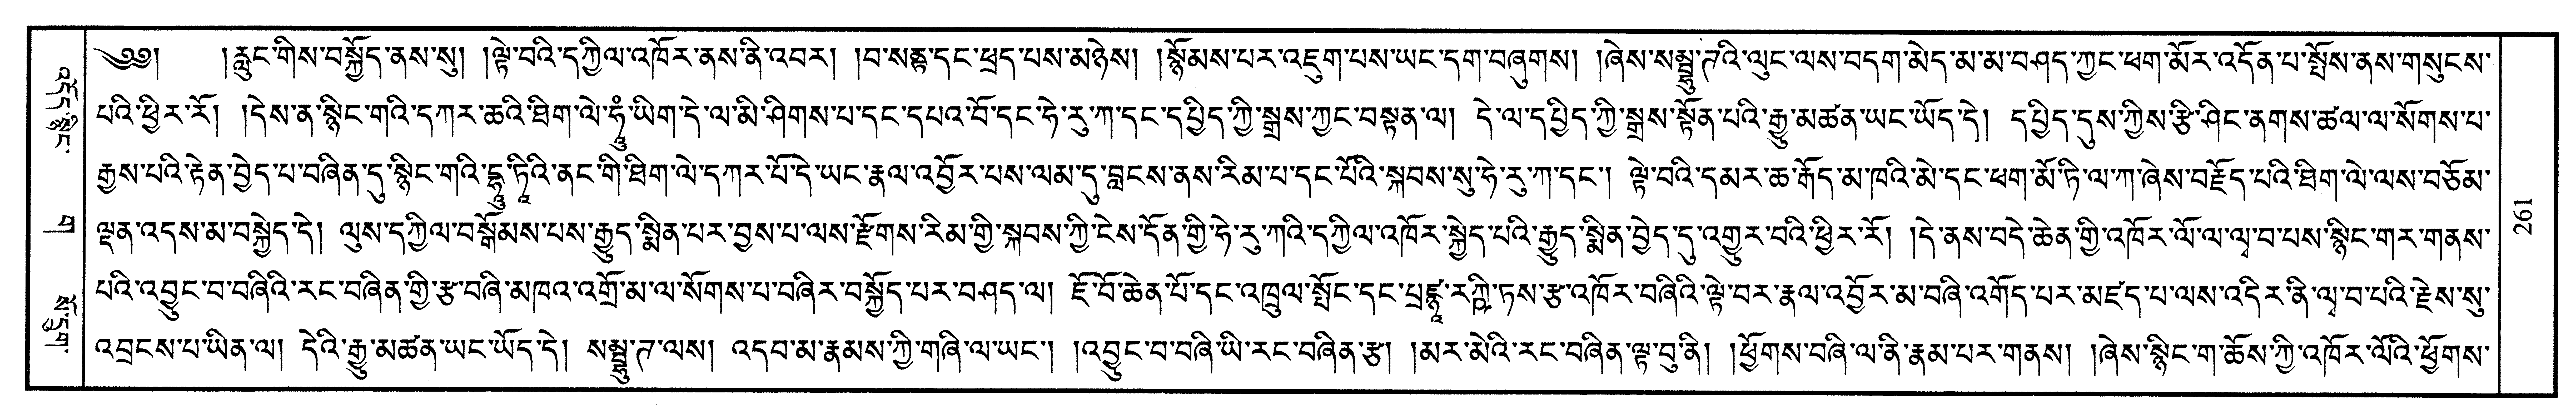༄༅། །རླུང་གིས་བསྐྱོད་ནས་སུ། །ལྟེ་བའི་དཀྱིལ་འཁོར་ནས་ནི་འབར། །བ་སནྟ་དང་ཕྲད་པས་མཉེས། །སྙོམས་པར་འཇུག་པས་ཡང་དག་བཞུགས། །ཞེས་སམྦྷུ་ཊའི་ལུང་ལས་བདག་མེད་མ་མ་བཤད་ཀྱང་ཕག་མོར་འདོན་པ་སྤོས་ནས་གསུངས་
པའི་ཕྱིར་རོ། །དེས་ན་སྙིང་གའི་དཀར་ཆའི་ཐིག་ལེ་ཧཱུཾ་ཡིག་དེ་ལ་མི་ཤིགས་པ་དང་དཔའ་བོ་དང་ཧེ་རུ་ཀ་དང་དཔྱིད་ཀྱི་སྒྲས་ཀྱང་བསྟན་ལ། དེ་ལ་དཔྱིད་ཀྱི་སྒྲས་སྟོན་པའི་རྒྱུ་མཚན་ཡང་ཡོད་དེ། དཔྱིད་དུས་ཀྱིས་རྩི་ཤིང་ནགས་ཚལ་ལ་སོགས་པ་
རྒྱས་པའི་རྟེན་བྱེད་པ་བཞིན་དུ་སྙིང་གའི་དྷཱུ་ཏཱིའི་ནང་གི་ཐིག་ལེ་དཀར་པོ་དེ་ཡང་རྣལ་འབྱོར་པས་ལམ་དུ་བླངས་ནས་རིམ་པ་དང་པོའི་སྐབས་སུ་ཧེ་རུ་ཀ་དང་། ལྟེ་བའི་དམར་ཆ་རྒོད་མ་ཁའི་མེ་དང་ཕག་མོ་ཏི་ལ་ཀ་ཞེས་བརྗོད་པའི་ཐིག་ལེ་ལས་བཅོམ་
ལྡན་འདས་མ་བསྐྱེད་དེ། ལུས་དཀྱིལ་བསྒོམས་པས་རྒྱུད་སྨིན་པར་བྱས་པ་ལས་རྫོགས་རིམ་གྱི་སྐབས་ཀྱི་ངེས་དོན་གྱི་ཧེ་རུ་ཀའི་དཀྱིལ་འཁོར་སྐྱེད་པའི་རྒྱུད་སྨིན་བྱེད་དུ་འགྱུར་བའི་ཕྱིར་རོ། །དེ་ནས་བདེ་ཆེན་གྱི་འཁོར་ལོ་ལ་ལྭ་བ་པས་སྙིང་གར་གནས་
པའི་འབྱུང་བ་བཞིའི་རང་བཞིན་གྱི་རྩ་བཞི་མཁའ་འགྲོ་མ་ལ་སོགས་པ་བཞིར་བསྐྱོད་པར་བཤད་ལ། ཇོ་བོ་ཆེན་པོ་དང་འཁྲུལ་སྤོང་དང་པྲཛྙཱ་རཀྵི་ཏས་རྩ་འཁོར་བཞིའི་ལྟེ་བར་རྣལ་འབྱོར་མ་བཞི་འགོད་པར་མཛད་པ་ལས་འདིར་ནི་ལྭ་བ་པའི་རྗེས་སུ་
འབྲངས་པ་ཡིན་ལ། དེའི་རྒྱུ་མཚན་ཡང་ཡོད་དེ། སམྦྷུ་ཊ་ལས། འདབ་མ་རྣམས་ཀྱི་གཞི་ལ་ཡང་། །འབྱུང་བ་བཞི་ཡི་རང་བཞིན་རྩ། །མར་མེའི་རང་བཞིན་ལྟ་བུ་ནི། །ཕྱོགས་བཞི་ལ་ནི་རྣམ་པར་གནས། །ཞེས་སྙིང་ག་ཆོས་ཀྱི་འཁོར་ལོའི་ཕྱོགས་